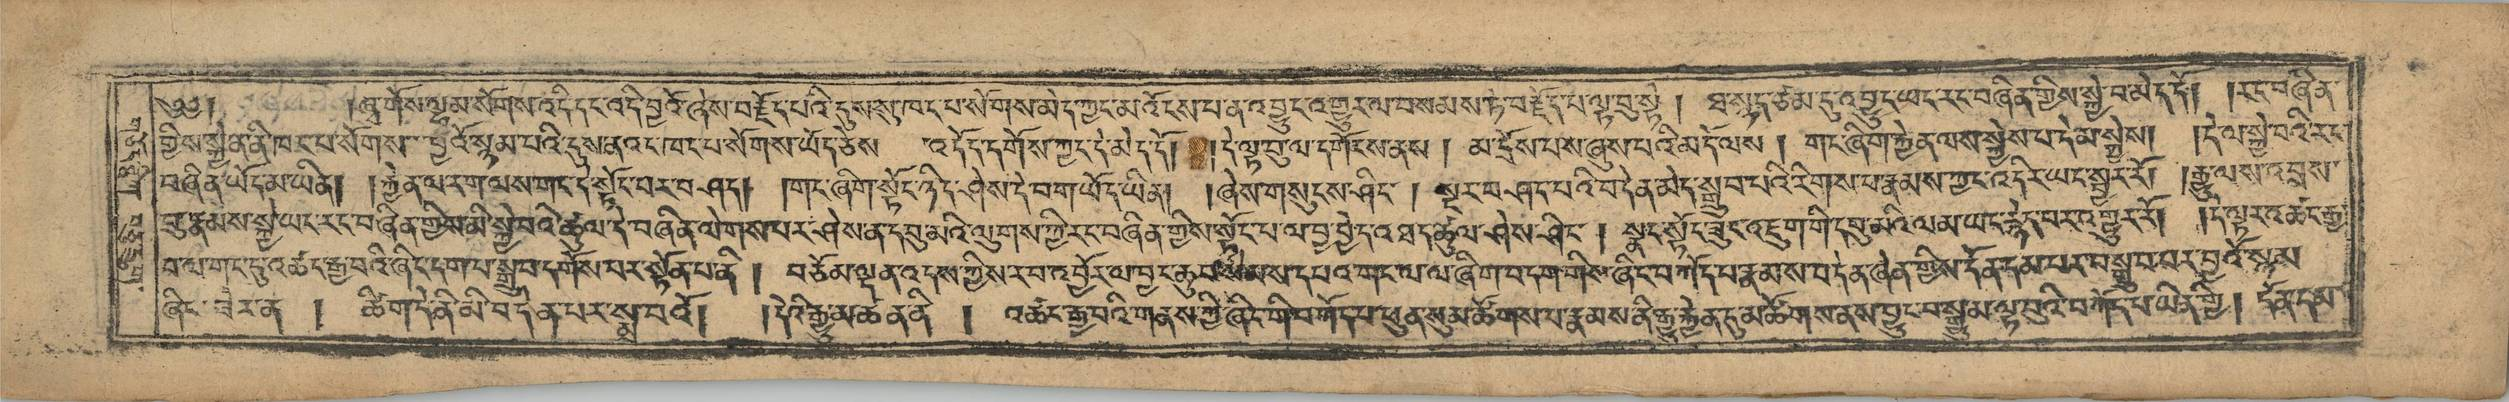༄༅། །ཞྭ་གོས་ལྷྭམ་སོགས་འདི་དང་འདི་བྱའོ་ཞེས་བརྗོད་པའི་དུས་སུ་ཁང་པ་སོགས་མེད་ཀྱང་མ་འོངས་པ་ན་འབྱུང་འགྱུར་ལ་བསམས་ཏེ་བརྗོད་པ་ལྟ་བུ་སྟེ། ཐ་སྙད་ཙམ་དུ་འབྱུང་ཡང་རང་བཞིན་གྱིས་སྐྱེ་བ་མེད་དོ། །རང་བཞིན་
གྱིས་སྐྱེ་ན་ནི་ཁང་པ་སོགས་བྱའོ་སྙམ་པའི་དུས་ནའང་ཁང་པ་སོགས་ཡོད་ཅེས་འདོད་དགོས་ཀྱང་དེ་མེད་དོ། །དེ་ལྟ་བུ་ལ་དགོངས་ནས། མ་དྲོས་པས་ཞུས་པའི་མདོ་ལས། གང་ཞིག་རྐྱེན་ལས་སྐྱེས་པ་དེ་མ་སྐྱེས། །དེ་ལ་སྐྱེ་བའི་རང་
བཞིན་ཡོད་མ་ཡིན། །རྐྱེན་ལ་རག་ལས་གང་དེ་སྟོང་པར་བཤད། །གང་ཞིག་སྟོང་ཉིད་ཤེས་དེ་བག་ཡོད་ཡིན། །ཞེས་གསུངས་ཤིང་། སྔར་བཤད་པའི་བདེན་མེད་སྒྲུབ་པའི་རིགས་པ་རྣམས་ཀྱང་འདིར་ཡང་སྦྱར་རོ། །རྒྱུ་ལས་འབྲས་
བུ་རྣམས་སྐྱེ་ཡང་རང་བཞིན་གྱིས་མི་སྐྱེ་བའི་ཚུལ་དེ་བཞིན་ལེགས་པར་ཤེས་ན་དབུ་མའི་ལུགས་གྱི་རང་བཞིན་གྱིས་སྟོང་པ་ལ་བྱ་བྱེད་འཐད་ཚུལ་ཤེས་ཤིང་། སྣང་སྟོང་ཟུང་འཇུག་གི་དབུ་མའི་ལམ་ཡང་རྙེད་པར་འགྱུར་རོ། །དེ་ལྟར་འཚང་རྒྱ་
བ་ལ་གང་དུ་འཚང་རྒྱ་བའི་ཞིང་དག་བསྒྲུབ་དགོས་པར་སྟོན་པ་ནི། བཅོམ་ལྡན་འདས་ཀྱིས་རབ་འབྱོར་ལ་བྱང་ཆུབ་སེམས་དཔའ་གང་ལ་ལ་ཞིག་བདག་གིས་ཞིང་བཀོད་པ་རྣམས་བདེན་ཞེན་གྱིས་དོན་དམ་པར་བསྒྲུབ་བར་བྱའོ་སྙམ་
ཞེས་ཟེར་ན། ཚིག་དེ་ནི་མི་བདེན་པར་སྙམ་མོ། །དེའི་རྒྱུ་མཚན་ནི། འཚང་རྒྱ་བའི་གནས་ཀྱི་ཞིང་གི་བཀོད་པ་ཕུན་སུམ་ཚོགས་པ་རྣམས་ནི་རྒྱུ་རྐྱེན་དུ་མ་ཚོགས་ནས་བྱུང་བ་རྒྱུ་མ་ལྟ་བུའི་བཀོད་པ་ཡིན་གྱི། དོན་དམ་